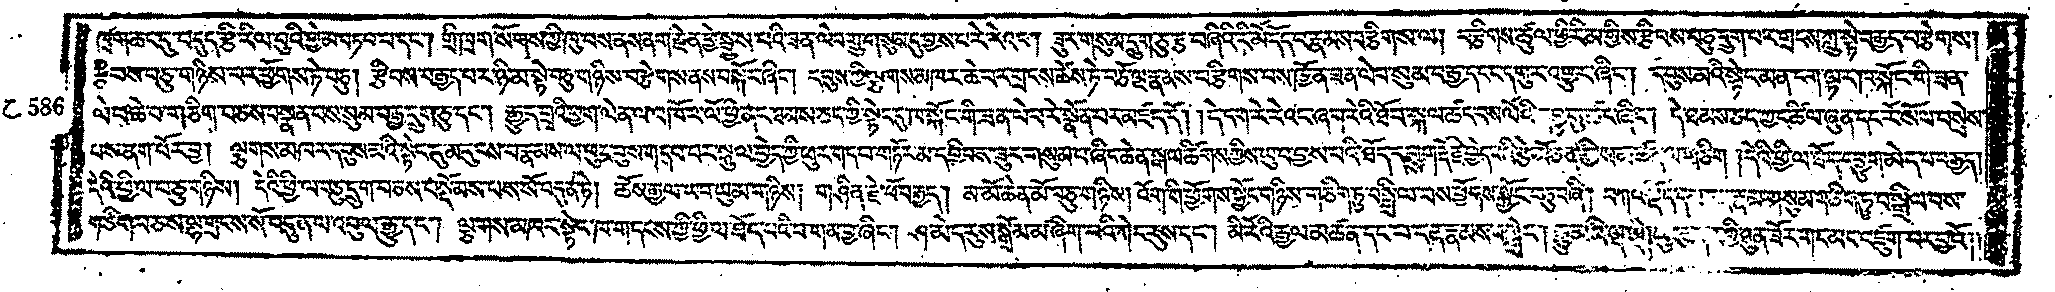ཁྲག་ཆང་དུ་བདུད་རྩི་རིལ་བུའི་ཕྱེ་མ་བཏབ་པ་དང་། ཁྲི་ཁྲག་སོགས་ཀྱི་ཁུ་བས་ནས་ནག་རྗེ་ན་ཕྱེ་སྦྲུས་པའི་ཟན་ལེབ་གྲུ་གསུམ་དུ་བྱས་པ་རེ་རེའང་། ཟུར་གསུམ་དྲུག་ཅུ་རྩ་བཞིའི་རི་མོ་དོད་བ་རྣམས་བརྩིགས་ལ། བརྩིགས་ཚུལ་ཕྱི་རིམ་གྱིས་རྩིབས་བཅུ་དྲུག་པར་གྲངས་ཀླུ་སྟེ་བརྒྱད་བརྩེགས།
རྩིབས་བཅུ་གཉིས་པར་ཕྱོགས་ཏེ་བཅུ། རྩིབས་བརྒྱད་པར་ཉི་མ་སྟེ་བཅུ་གཉིས་བརྩེགས་ནས་བསྐོར་ཞིང་། དབུས་ཀྱི་ལྕགས་མཁར་ཆེ་བར་གྲངས་ཚེས་ཏེ་བཅོ་ལྔ་རྣམས་བརྩིགས་པས་ཁྱོན་ཟན་ལེབ་སུམ་བརྒྱ་དང་ང་དགུར་འགྱུར་ཞིང་། དབུས་མའི་སྟེང་མན་ངག་ལྟར་ཁ་སྐོང་གི་ཟན་
ལེབ་ཆེ་བ་གཅིག་བཅས་བསྣན་པས་སུམ་བརྒྱ་དྲུག་ཅུ་དང་། རྒྱུད་གྲྭའི་ཕྱག་ལེན་ལ་འཁོར་ལོ་ཕྱི་ནང་ཐམས་ཅད་ཀྱི་སྟེང་དུ་ཁ་སྐོང་གི་ཟན་ལེབ་རེ་སྣོན་པར་མཛད་དོ། །དེ་དག་རེ་རེའང་ཞག་རེའི་ཐོབ་སྐལ་ཚང་བས་ལོའི་དབྱུ་གུ་ཚང་ཞིང་། དེ་ཐམས་ཅད་ཀྱང་ཚིལ་ཞུན་དང་རོ་སོལ་བསྲེས་
པས་ནག་པོར་བྱ། ལྕགས་མཁར་དབུས་མའི་སྟེང་དུ་མ་རུངས་པ་རྣམས་ལ་ཕུར་བུས་གདབ་བར་སྐུལ་བྱེད་ཀྱི་ཕུར་གདབ་གཏོར་མ་དབྱིབས་ཟུར་གསུམ་པ་ཞིང་ཆེན་སྒལ་ཚིགས་ཀྱིས་ཡུ་བ་བྱས་བའི་ཐོད་དབྱུག་རྡོ་རྗེ་ཕྱེད་པའི་རྩེ་མོ་ཅན་གྱིས་མཚན་ལ་གཅིག །དེའི་ཕྱི་ལ་ཐོད་དབྱུག་མེད་པ་བརྒྱད།
དེའི་ཕྱི་ལ་བཅུ་གཉིས། དེའི་ཕྱི་ལ་བཅུ་དྲུག་བཅས་བསྡོམས་པས་སོ་བདུན་ཏེ། ཆོས་རྒྱལ་ཡབ་ཡུམ་གཉིས། གཤིན་རྗེ་ཕོ་བརྒྱད། མ་མོ་ཆེན་མོ་བཅུ་གཉིས། འོག་གི་ཕྱོགས་སྐྱོང་གཉིས་གཅིག་ཏུ་བསྒྲིལ་བས་ཕྱོགས་སྐྱོང་བཅུ་བཞི། བཀའ་སྡོད་དམན་པ་རྣམ་གསུམ་གཅིག་ཏུ་བསྒྲིལ་བས་
གཅིག་བཅས་ལྷ་གྲངས་སོ་བདུན་ལ་འབུལ་རྒྱུ་དང་། ལྕགས་མཁར་སྟེང་ཁ་གདངས་ཀྱི་ཕྱི་ལ་ཐོད་པའི་བ་གམ་བྱ་ཞིང་། ཤ་མེད་རུས་སྒྲོམ་མ་ཞིག་པའི་ཀེང་རུས་དང་། མི་རོའི་རྒྱལ་མཚན་དང་བ་དན་རྣམས་བསྒྲེང་། རྒྱུ་མའི་ལྔ་ལྡི། ཡུངས་ཀར་གྱི་ཐུན་ཟོར་གང་མང་འཛུག་པར་བྱའོ།།